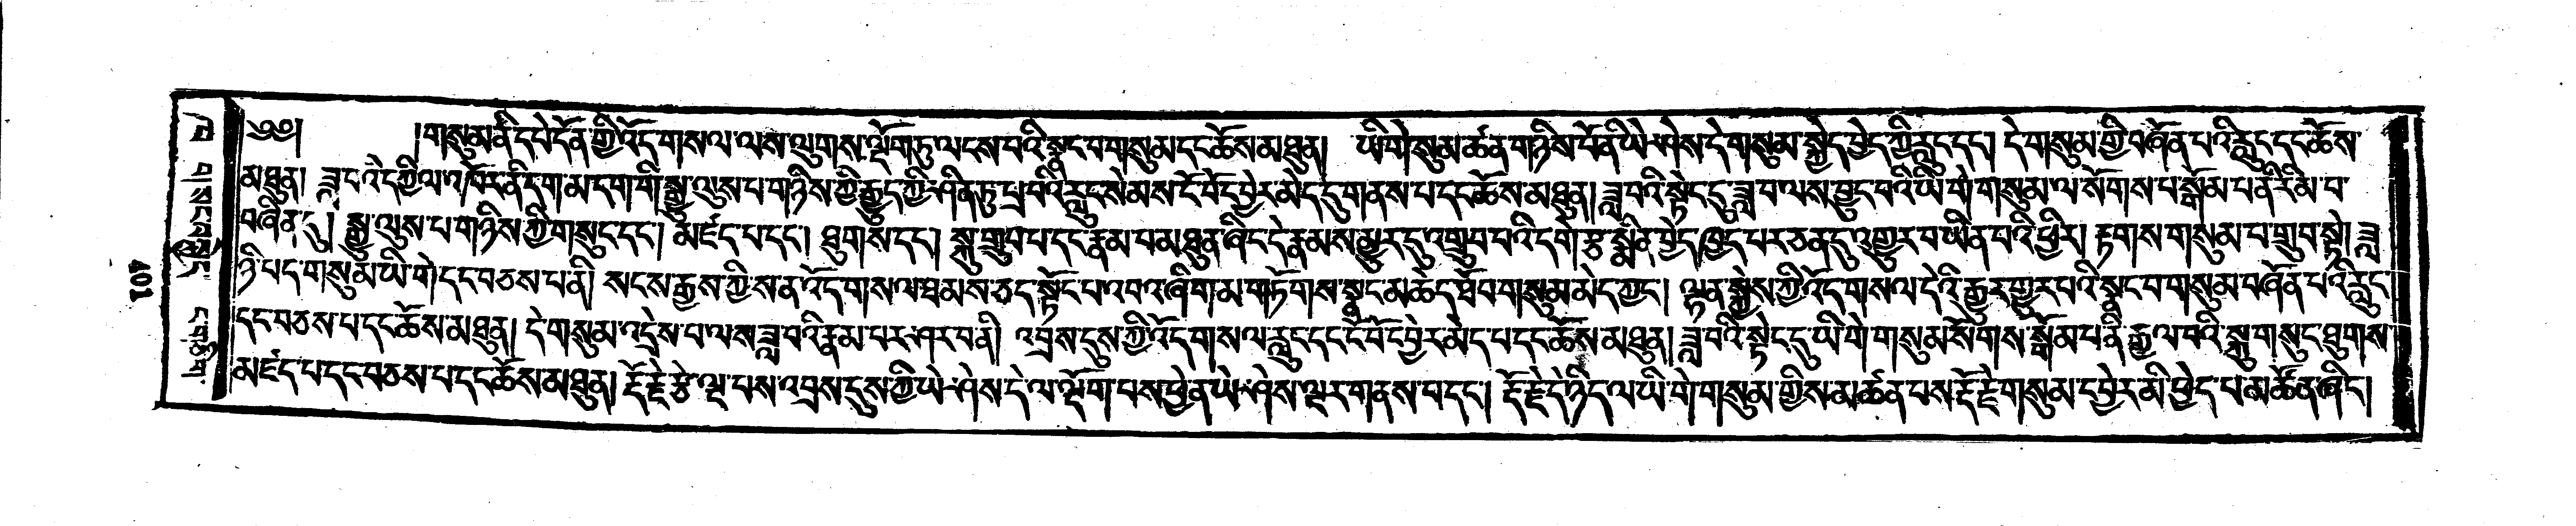༄༅། །གསུམ་ནི་དཔེ་དོན་གྱི་འོད་གསལ་ལས་ལུགས་ལྡོག་ཏུ་ལངས་པའི་སྣང་བ་གསུམ་དང་ཆོས་མཐུན། ཡི་གེ་སུམ་ཚན་གཉིས་པོ་ནི་ཡེ་ཤེས་དེ་གསུམ་སྐྱེད་བྱེད་ཀྱི་རླུང་དང་། དེ་གསུམ་གྱི་བཞོན་པའི་རླུང་དང་ཆོས་
མཐུན། ཟླ་བའི་དཀྱིལ་འཁོར་ནི་དག་མ་དག་གི་སྒྱུ་ལུས་པ་གཉིས་ཀྱི་རྒྱུད་ཀྱི་ཤིན་ཏུ་ཕྲ་པའི་རླུང་སེམས་ངོ་བོ་དབྱེར་མེད་དུ་གནས་པ་དང་ཆོས་མཐུན། ཟླ་བའི་སྟེང་དུ་ཟླ་བ་ལས་བྱུང་བའི་ཡི་གེ་གསུམ་ལ་སོགས་པ་སྒོམ་པ་ནི་རིམ་པ་
བཞིན་དུ། སྒྱུ་ལུས་པ་གཉིས་ཀྱི་གསུང་དང་། མཛད་པ་དང་། ཐུགས་དང་། སྐུ་གྲུབ་པ་དང་རྣམ་པ་མཐུན་ཞིང་དེ་རྣམས་མྱུར་དུ་འགྲུབ་པའི་དགེ་རྩ་སྨིན་བྱེད་ཁྱད་པར་ཅན་དུ་འགྱུར་བ་ཡིན་པའི་ཕྱིར། རྟགས་གསུམ་པ་གྲུབ་སྟེ། ཟླ་
ཉི་པད་གསུམ་ཡི་གེ་དང་བཅས་པ་ནི། སངས་རྒྱས་ཀྱི་ས་ན་འོད་གསལ་ཐམས་ཅད་སྟོང་པ་འབའ་ཞིག་མ་གཏོགས་སྣང་མཆེད་ཐོབ་གསུམ་མེད་ཀྱང་། ལྷན་སྐྱེས་ཀྱི་འོད་གསལ་དེའི་རྒྱུར་གྱུར་པའི་སྣང་བ་གསུམ་བཞོན་པའི་རླུང་
དང་བཅས་པ་དང་ཆོས་མཐུན། དེ་གསུམ་འདྲེས་པ་ལས་ཟླ་བའི་རྣམ་པར་ཤར་བ་ནི། འབྲས་དུས་ཀྱི་འོད་གསལ་རླུང་དང་ངོ་བོ་དབྱེར་མེད་པ་དང་ཆོས་མཐུན། ཟླ་བའི་སྟེང་དུ་ཡི་གེ་གསུམ་སོགས་སྒོམ་པ་ནི་རྒྱལ་བའི་སྐུ་གསུང་ཐུགས་
མཛད་པ་དང་བཅས་པ་དང་ཆོས་མཐུན། རྡོ་རྗེ་རྩེ་ལྔ་བས་འབྲས་དུས་ཀྱི་ཡེ་ཤེས་དེ་ལ་ལྡོག་པས་ཕྱེ་ན་ཡེ་ཤེས་ལྔར་གནས་པ་དང་། རྡོ་རྗེ་དེ་ཉིད་ལ་ཡི་གེ་གསུམ་གྱིས་མཚན་པས་རྡོ་རྗེ་གསུམ་དབྱེར་མི་ཕྱེད་པ་མཚོན་ཞིང་།